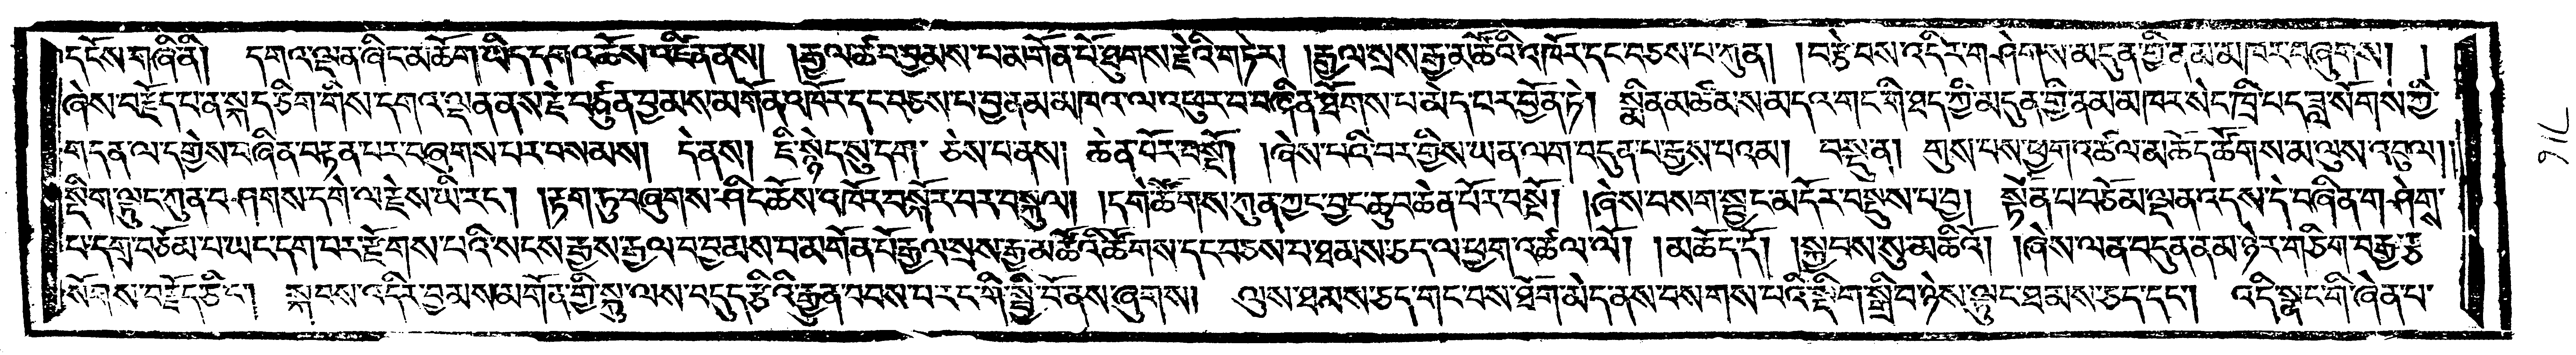དངོས་གཞི་ནི། དགའ་ལྡན་ཞིང་མཆོག་ཡིད་དགའ་ཆོས་འཛིན་ནས། རྒྱལ་ཚབ་བྱམས་པ་མགོན་པོ་ཐུགས་རྗེའི་གཏེར། །རྒྱལ་སྲས་རྒྱ་མཚོའི་འཁོར་དང་བཅས་པ་ཀུན། །བརྩེ་བས་འདིར་གཤེགས་མདུན་གྱི་ནམ་མཁར་བཞུགས། །
ཞེས་བརྗོད་པ་ན་སྐད་ཅིག་གིས་དགའ་ལྡན་ནས་རྗེ་བཙུན་བྱམས་མགོན་འཁོར་དང་བཅས་པ་བྱ་ནམ་མཁའ་ལ་འཕུར་བ་བཞིན་ཐོགས་པ་མེད་པར་བྱོན་ཏེ། སྨིན་མཚམས་མདའ་གང་གི་ཐད་ཀྱི་མདུན་གྱི་ནམ་མཁར་སེང་ཁྲི་པད་ཟླ་སོགས་ཀྱི་
གདན་ལ་དགྱེས་བཞིན་བརྟན་པར་བཞུགས་ཕར་བསམས། དེ་ནས། ཇི་སྙེད་སུ་དག་ཅེས་པ་ནས། ཆེན་པོར་བསྔོ། །ཞེས་པའི་བར་གྱིས་ཡན་ལག་བདུན་པ་རྒྱས་པའམ། བསྡུ་ན། གུས་པས་ཕྱག་འཚལ་མཆོད་ཚོགས་མ་ལུས་འབུལ། །
སྡིག་ལྟུང་ཀུན་བཤགས་དགེ་ལ་རྗེས་ཡི་རང་། །རྟག་ཏུ་བཞུགས་ཤིང་ཆོས་འཁོར་བསྐོར་བར་བསྐུལ། །དགེ་ཚོགས་ཀུན་ཀྱང་བྱང་ཆུབ་ཆེན་པོར་བསྔོ། །ཞེས་བསག་སྦྱང་མདོར་བསྡུས་པ་བྱ། །སྟོན་པ་བཅོམ་ལྡན་འདས་དེ་བཞིན་གཤེགས་
པ་དགྲ་བཅོམ་པ་ཡང་དག་པར་རྫོགས་པའི་སངས་རྒྱས་རྒྱལ་བ་བྱམས་པ་མགོན་པོ་རྒྱལ་སྲས་རྒྱ་མཚོའི་ཚོགས་དང་བཅས་པ་ཐམས་ཅད་ལ་ཕྱག་འཚལ་ལོ། །མཆོད་དོ། །སྐྱབས་སུ་མཆིའོ། །ཞེས་ལན་བདུན་ནམ་ཉེར་གཅིག་བརྒྱ་རྩ་
སོགས་བརྗོད་ཅིང་། སྐབས་འདིར་བྱམས་མགོན་གྱི་སྐུ་ལས་བདུད་རྩིའི་རྒྱུན་བབས་པ་རང་གི་སྤྱི་བོ་ནས་ཞུགས། ལུས་ཐམས་ཅད་གང་ལས་ཐོག་མེད་ནས་བསགས་པའི་སྡིག་སྒྲིབ་ཉེས་ལྟུང་ཐམས་ཅད་དང་། འདི་སྣང་གི་ཞེན་པ་